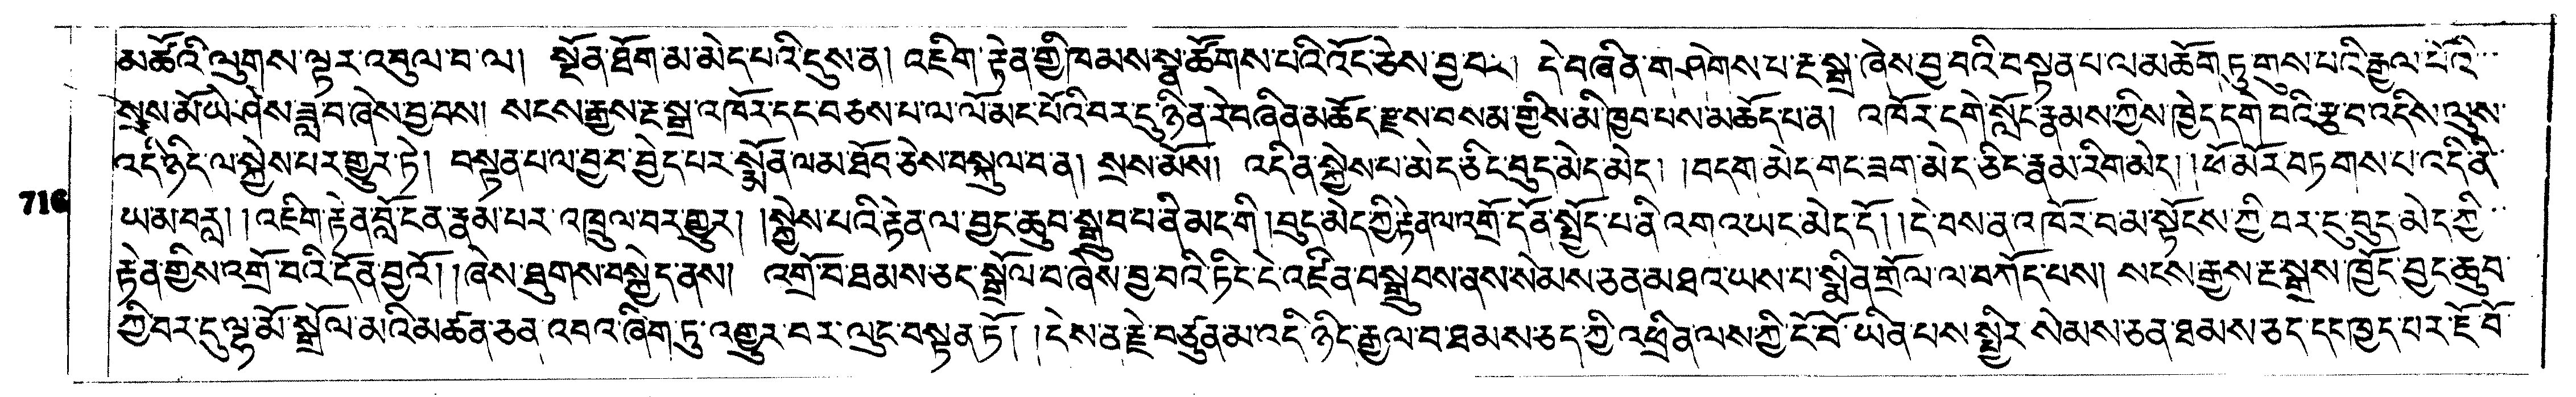མཚོའི་ལུགས་ལྟར་འབུལ་བ་ལ། སྔོན་ཐོག་མ་མེད་པའི་དུས་ན། འཇིག་རྟེན་གྱི་ཁམས་སྣ་ཚོགས་པའི་འོད་ཅེས་བྱ་བར། དེ་བཞིན་གཤེགས་པ་རྔ་སྒྲ་ཞེས་བྱ་བའི་བསྟན་པ་ལ་མཆོག་ཏུ་གུས་པའི་རྒྱལ་པོའི་
སྲས་མོ་ཡེ་ཤེས་ཟླ་བ་ཞེས་བྱ་བས། སངས་རྒྱས་རྔ་སྒྲ་འཁོར་དང་བཅས་པ་ལ་ལོ་མང་པོའི་བར་དུ་ཉིན་རེ་བཞིན་མཆོད་རྫས་བསམ་གྱིས་མི་ཁྱབ་པས་མཆོད་པ་ན། འཁོར་དགེ་སློང་རྣམས་ཀྱིས་ཁྱེད་དགེ་བའི་རྩ་བ་འདིས་ལུས་
འདི་ཉིད་ལ་སྐྱེས་པར་གྱུར་ཏེ། བསྟན་པ་ལ་བྱ་བ་བྱེད་པར་སྨོན་ལམ་ཐོབ་ཅེས་བསྐུལ་བ་ན། སྲས་མོས། འདི་ན་སྐྱེས་པ་མེད་ཅིང་བུད་མེད་མེད། །བདག་མེད་གང་ཟག་མེད་ཅིང་རྣམ་རིག་མེད། །ཕོ་མོར་བཏགས་པ་འདི་ནི་
ཡ་མ་བརླ། །འཇིག་རྟེན་བློ་ངན་རྣམ་པར་འཁྲུལ་བར་གྱུར། །སྐྱེས་པའི་རྟེན་ལ་བྱང་ཆུབ་སྒྲུབ་པ་ནི་མང་གི །བུད་མེད་ཀྱི་རྟེན་ལ་འགྲོ་དོན་སྤྱོད་པ་ནི་འགའ་ཡང་མེད་དོ། །དེ་བས་ན་འཁོར་བ་མ་སྟོངས་ཀྱི་བར་དུ་བུད་མེད་ཀྱི་
རྟེན་གྱིས་འགྲོ་བའི་དོན་བྱའོ། །ཞེས་ཐུགས་བསྐྱེད་ནས། འགྲོ་བ་ཐམས་ཅད་སྒྲོལ་བ་ཞེས་བྱ་བའི་ཏིང་ངེ་འཛིན་བསྒྲུབས་ནས་སེམས་ཅན་མཐའ་ཡས་པ་སྨིན་གྲོལ་ལ་བཀོད་པས། སངས་རྒྱས་རྔ་སྒྲས་ཁྱོད་བྱང་ཆུབ་
ཀྱི་བར་དུ་ལྷ་མོ་སྒྲོལ་མའི་མཚན་ཅན་འབའ་ཞིག་ཏུ་འགྱུར་བར་ལུང་བསྟན་ཏོ། །དེས་ན་རྗེ་བཙུན་མ་འདི་ཉིད་རྒྱལ་བ་ཐམས་ཅད་ཀྱི་འཕྲིན་ལས་ཀྱི་ངོ་བོ་ཡིན་པས་སྤྱིར་སེམས་ཅན་ཐམས་ཅད་དང་ཁྱད་པར་ཇོ་བོ་